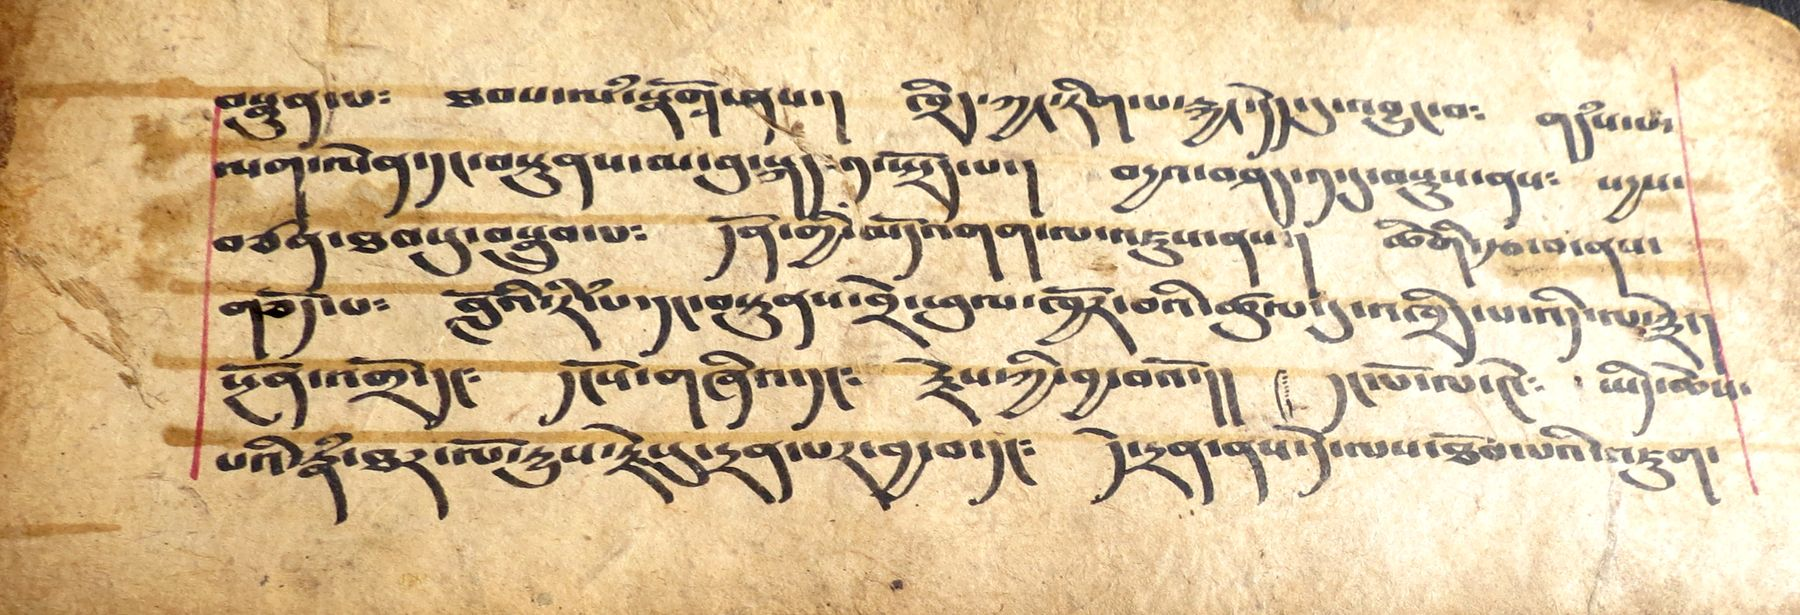བསྣུན་པ། ཐབས་ལམ་སྣ་ཚོགས་ནས་ཁྲིད་ཀྱང་རིག་པ་རྐྱང་དེད་དུ་འབྱུང་བ། གདམས་པ་
ལག་ལེན་དང་བསྟུན་ནས་མ་བུ་སྐད་ཅིག་ལ་འཕྲོད་པ། བརྒྱ་བཤད་གཅིག་ཏུ་བསྡུས་ནས། སངས་རྒྱས་
བཙན་ཐབས་སུ་བསྒྲུབ་པ། དོན་གྱི་མདོ་འགག་ལ་འཇུས་ནས་ཚིག་གི་རྩ་བ་ནས་
གཅོད་པ། བློའི་རིམ་པ་དང་བསྟུན་ནས་བྲེ་ཕུལ་ཁྱོར་བའི་ཚུལ་དུ་འཁྲིད་པ་འདི་ལ་གསུམ་སྟེ། 
སྔོན་འགྲོ་དང་། དངོས་གཞི་དང་། རྗེས་ཀྱི་བྱ་བའོ། ། དང་པོ་ལ་བཞི་སྟེ། ཡིད་ཆེས་
པའི་རྣམ་ཐར་ལོ་རྒྱུས་རྗེས་སུ་དྲན་པར་བྱ་བ་དང་། དེ་དྲན་ནས་དེ་ལས་ཐོབ་པའི་འཇུག་